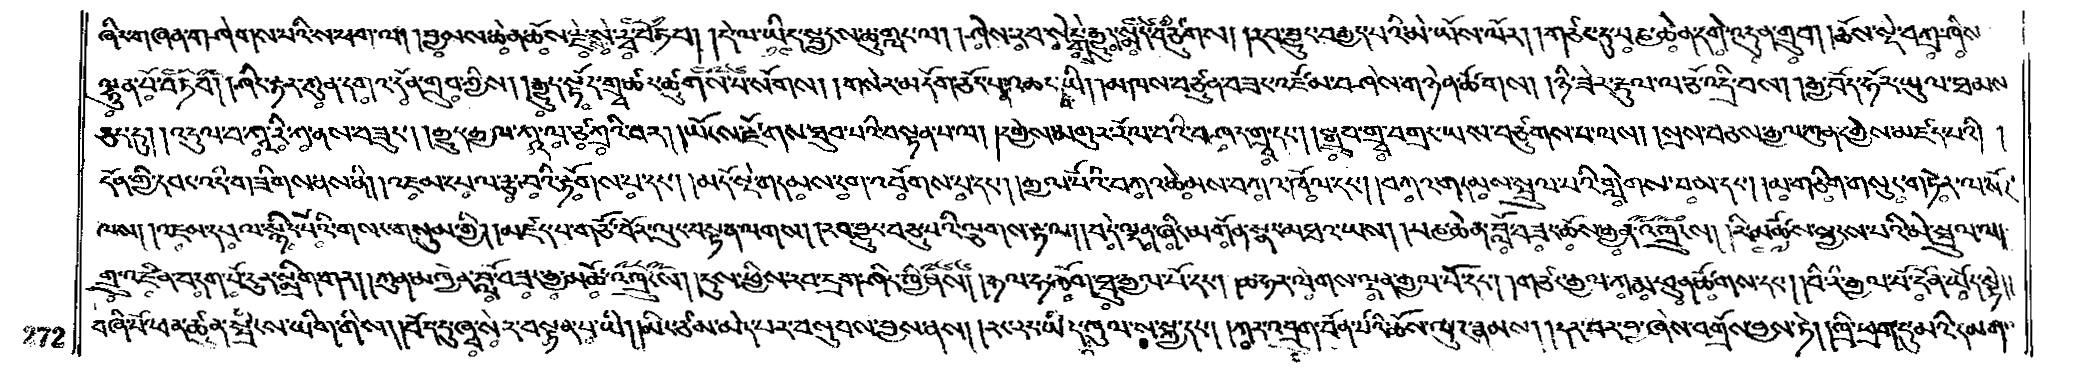ཞིང་གཞན་གཤེགས་པའི་ས་ཕག་ལ། །བྱམས་ཆེན་ཆོས་རྗེས་སེ་རྭ་བཏབ། །དེ་ལ་ཡིད་སྦྱངས་ཆུ་གླང་ལ། །ཤེས་རབ་སེངྒྶེ་རྒྱུད་སྨད་བཙུགས། །རབ་བྱུང་བརྒྱད་པའི་མེ་ཡོས་ལོར། །གཙང་དུ་པཎ་ཆེན་དགེ་འདུན་གྲུབ། །ཆོས་སྡེ་བཀྲ་ཤིས་
ལྷུན་པོ་བཏབ། །ཤིང་རྟར་ཀུན་དགའ་དོན་གྲུབ་ཀྱིས། །རྒྱུད་སྟོད་གྲྭ་ཚང་ཚུགས་པ་སོགས། །གསེར་མདོག་ཅོད་པན་འཆང་བ་ཡི། །མཁས་བཙུན་བཟང་འཛོམ་བཤེས་གཉེན་ཚོགས། །ཉི་ཟེར་རྡུལ་ལ་ཅོ་འདྲི་བས། །རྒྱ་བོད་ཧོར་ཡུལ་ཐམས་
ཅད་དུ། །འདུལ་བ་ཀཱ་རི་ཀ་ནས་བཟུང་། །རྒྱུད་རྒྱལ་ཀཱ་ལ་ཙཀྲའི་བར། །ཡོངས་རྫོགས་ཐུབ་པའི་བསྟན་པ་ལ། །དགྱེས་མགུར་རོལ་བའི་བཤད་གྲཱ་དང་། །སྒྲུབ་གྲྭ་བགྲང་ཡས་བཙུགས་པ་ལས། །སྲས་བཅས་རྒྱལ་ཀུན་དགྱེས་མཛད་པའི། །
དོན་གྱི་དབང་འདི་གཟིགས་ནས་ནི། །འཇམ་དཔལ་རྩ་བའི་རྟོགས་པ་དང་། །མདོ་སྡེ་གདམས་ངག་འབོགས་པ་དང་། །རྒྱལ་བོའི་བཀའ་ཆེམས་བཀའ་ཁོལ་དང་། །བཀའ་གདམས་སྤྲུལ་པའི་གླེགས་བམ་དང་། །མ་གཅིག་གསུང་གཏེར་ལ་སོགས་
ལས། །འཇམ་དཔལ་སྙིང་བོའི་གསང་གསུམ་གྱི། །མཛད་པ་གཙོ་བོར་ལུང་བསྟན་ལགས། །རབ་བྱུང་བཅུ་པའི་ལྕགས་རྟ་ལ། །བདེ་ལྡན་ཞིང་མགོན་སྣང་མཐའ་ཡས། །པཎ་ཆེན་བློ་བཟང་ཆོས་རྒྱན་འཁྲུངས། །རི་མཚོས་སྦྱངས་པའི་མེ་སྦྲུལ་ལ།
གྲུ་འཛིན་བདག་པོ་ངུར་སྨྲིག་གར། །ཀུན་མཁྱེན་བློ་བཟང་རྒྱ་མཚོ་འཁྲུངས། །དུས་ཕྱིས་རབ་དྲག་ཤིང་ཁྱི་ནས། །ཧལ་ཧ་ཆོག་ཐུ་རྒྱལ་པོ་དང་། །ཆ་ཧར་ལེགས་ལྡན་རྒྱལ་པོ་དང་། །གཙང་རྒྱལ་ཀརྨ་ཕུན་ཚོགས་དང་། །བི་རི་རྒྱལ་པོ་དོན་ཡོད་སྟེ།།
བཞི་པོ་ཕན་ཚུན་སྤྲིངས་ཡིག་གིས། །བོད་དུ་ཞྭ་སེར་བསྟན་པ་ཡི། །མིང་ཙམ་མེད་པར་བསུབས་བྱས་ནས། །རང་རང་ཡིད་འཁུལ་ས་སྐྱ་དང་། །ཀར་འབྲུག་བོན་པའི་ཆོས་ལུང་རྣམས། །དར་བར་བྱ་ཞེས་བགྲོས་བྱས་ཏེ། །ཁྲི་ཕྲག་དུ་མའི་དམག་